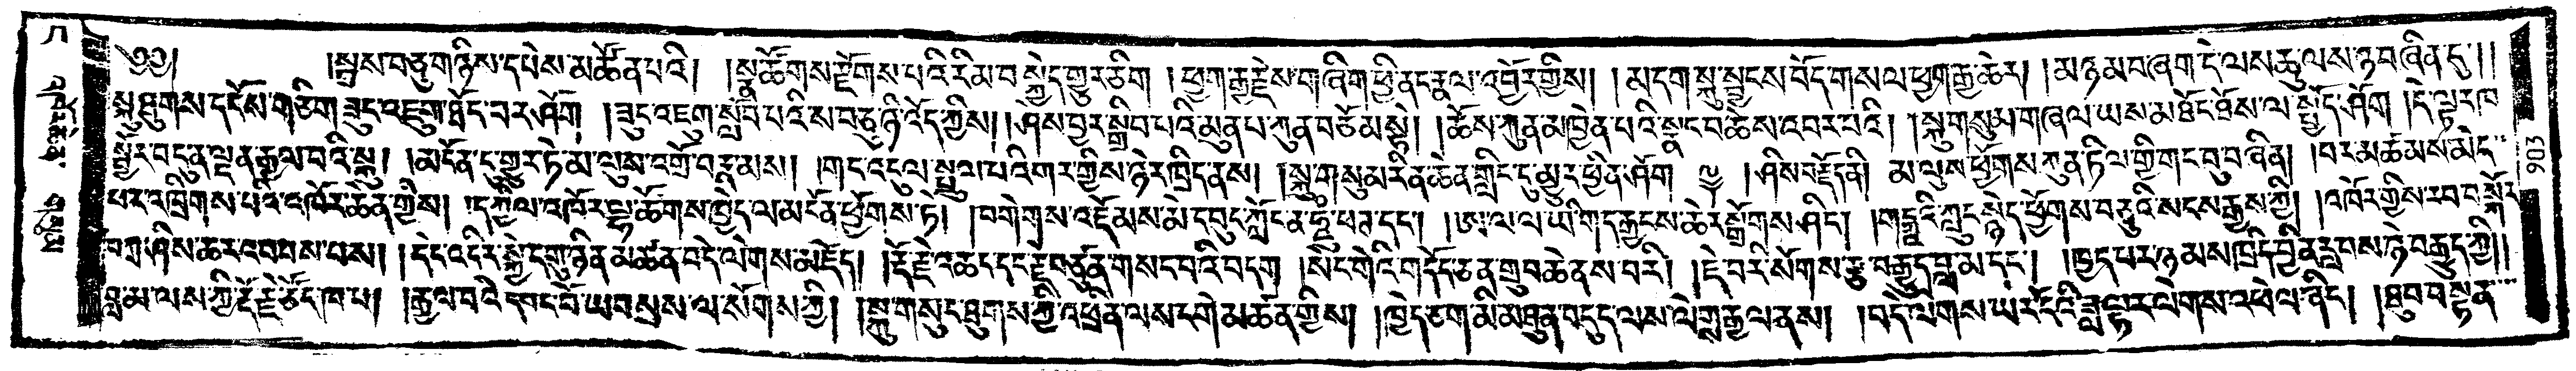༄༅། །སྦྲས་བཅུ་གཉིས་དཔེས་མཚོན་པའི། །སྣ་ཚོགས་རྫོགས་པའི་རིམ་བསྐྱེད་གྱུར་ཅིག །ཕྱག་རྒྱ་རྗེས་གཞིག་ཕྱི་ནང་རྣལ་འབྱོར་གྱིས། །མདག་སྐུ་སྦྱངས་བོད་གསལ་ཕྱག་རྒྱ་ཆེར། །མཉམ་བཞག་དེ་ལས་ཆུ་ལས་ཉ་བཞིན་དུ། །
སྐུ་ཐུགས་དངོས་གཅིག་ཟུང་འཇུག་ཐོང་བར་ཤོག །ཟུང་འཇུག་སློབ་པའི་ས་བཅུ་ཉི་འོད་ཀྱིས། །ཤེས་བྱར་སྒྲིབ་པའི་མུན་པ་ཀུན་བཅོམ་སྟེ། །ཆོས་ཀུན་མཁྱེན་པའི་སྣང་བ་ཆེས་འབར་པའི། །སྐུ་གསུམ་གཞལ་ཡས་མཐོང་ཐོས་ལ་སྤྱོད་ཤོག །དེ་ལྟར་ཁ་
སྦྱོར་བདུ་ན་ལྡན་རྒྱལ་བའི་སྐུ། །མངོན་དུ་གྱུར་ཏེ་མ་ལུས་འགྲོ་བ་རྣམས། །གང་འདུལ་སྤྲུལ་པའི་གར་གྱིས་ཉེར་ཁྲིད་ནས། །སྐུ་གསུམ་རིན་ཆེན་གླིང་དུ་མྱུར་ཕྱིན་ཤོག ༈ །ཤེས་བརྗོད་ནི། མ་ལུས་ཕྱོགས་ཀུན་ཏིལ་གྱི་གང་བུ་བཞིན། །བར་མཚམས་མེད་
པར་འཁྲིགས་པའི་འཁོར་ཆེན་གྱིས། །དཀྱིལ་འཁོར་ལྷ་ཚོགས་ཁྱེད་ལ་མངོན་ཕྱོགས་ཏེ། །བགེགས་འཇོམས་མེ་དབུང་ཀློང་ན་ཧཱུཾ་ཕཊ་དང་། །ཨ་ལ་ལ་ཡི་གད་རྒྱངས་ཆེར་སྒྲོགས་ཤིང་། །གངྒཱའི་ཀླུང་སྙེད་ཕྱོགས་བཅུའི་སངས་རྒྱས་ཀྱི། །འཁོར་གྱིས་རབ་བསྐོར་
བཀྲ་ཤིས་ཆར་འབབས་པས། །དེང་འདིར་སྐྱེ་དགུ་ཉིན་མཚན་བདེ་ལེགས་མཛོད། །རྡོ་རྗེ་འཆང་དང་རྗེ་བཙུན་གསང་བའི་བདག །སེང་གེའི་གདོད་ཅན་གྲུབ་ཆེན་ས་བ་རི། །ཇེ་བ་རི་སོགས་རྩ་བརྒྱུད་བླ་མ་དང་། །ཁྱད་པར་ཉམས་ཁྲིད་བྱིན་རླབས་ཉེ་བརྒྱུད་ཀྱི། །
བླ་མ་ལས་ཀྱི་རྡོ་རྗེ་རྩོང་ཁ་པ། །རྒྱལ་བའི་དབང་པོ་ཡབ་སྲས་ལ་སོགས་ཀྱི། །སྐུ་གསུང་ཐུགས་ཀྱི་འཕྲིན་ལས་དགེ་མཚན་གྱིས། །ཁྱེད་ཅག་མི་མཐུན་བདུད་ལས་ལེགས་རྒྱལ་ནས། །བདེ་ལེགས་ཡར་ངོའི་ཟླ་ལྟར་ལེགས་འཕེལ་ཞིང་། །ཐུབ་བསྟན་